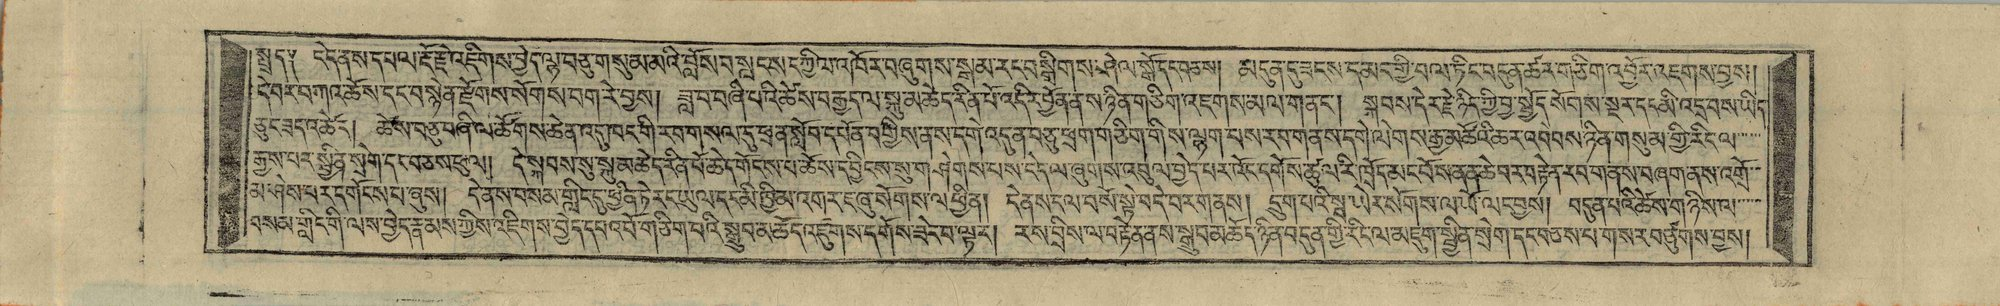སྤྲད། ངེད་ནས་དཔལ་རྡོ་རྗེ་འཇིགས་བྱེད་ལྷ་བཅུ་གསུམ་མའི་བློས་བསླངས་དཀྱིལ་འཁོར་བཞུགས་སྒམ་རང་བསྒྲིགས་ཤེལ་སྒོ་དང་བཅས། མདུན་དུ་ཟངས་དམར་གྱི་བལ་ཏིང་བདུན་ཚར་གཅིག་འབྱོར་འཇིགས་བྱས།
དེ་བར་བཀའ་ཆོས་དང་བསྙེན་རྫོགས་སོགས་བག་རེ་བྱས། ཟླ་བ་བཞི་པའི་ཚེས་བརྒྱད་ལ་སྐུ་མཆེད་རིན་པོ་འདིར་བྱོན་ནས་ཉིན་གཅིག་འཇགས་མལ་གནང་། སྐབས་དེར་རྗེ་ཉིད་ཀྱི་བྱ་སྤྱོད་སོགས་སྔར་དང་མི་འདྲ་བས་ཡིད་
ཅུང་ཟད་འཚེར། ཚེས་བཅུ་བཞི་ལ་ཚོགས་ཆེན་འདུ་ཁང་གི་རབ་གསལ་དུ་ཕྲན་སློབ་དཔོན་བགྱིས་ནས་དགེ་འདུན་བཅུ་ཕྲག་གཅིག་གིས་ལྷག་པས་རབ་གནས་དགེ་ལེགས་རྒྱ་མཚོའི་ཆར་འབེབས་ཉིན་གསུམ་གྱི་རིང་ལ་
རྒྱས་པར་སྦྱིན་སྲེག་དང་བཅས་ཕུལ། དེ་སྐབས་སུ་སྐུ་མཆེད་རིན་པོ་ཆེ་དགོངས་པ་ཆོས་དབྱིངས་སུ་གཤེགས་པས་ངེད་ལ་ཞུགས་འབུལ་བྱེད་པར་འོང་དགོས་ཚུལ་རི་ཁྲོད་མང་པོས་ནན་ཆེ་བར་བརྟེན་རབ་གནས་བཞག་ནས་འགྲོ་
མ་ཤེས་པར་དགོངས་པ་ཞུས། དེ་ནས་བསམ་གླིང་དུ་ཕྱིན་ཏེ་རང་ཡུལ་དང་མི་ཁྱིམ་འགར་ཇ་ཞུ་སོགས་ལ་ཕྱིན། དེ་ནས་ངལ་བསོ་སྟེ་བདེ་བར་གནས། དྲུག་པའི་སྦ་ཡེར་སོགས་ལ་ཡོ་ལང་བྱས། བདུན་པའི་ཚེས་གཉིས་ལ་
བསམ་གླིང་གི་ལས་བྱེད་རྣམས་ཀྱིས་འཇིགས་བྱེད་དཔའ་བོ་གཅིག་པའི་སྒྲུབ་མཆོད་འཇུགས་དགོས་ཟེར་བ་ལྟར། རས་བྲིས་ལ་བརྟེན་ནས་སྒྲུབ་མཆོད་ཉིན་བདུན་གྱི་རིང་ལ་མཇུག་སྦྱིན་སྲེག་དང་བཅས་པ་གསར་བཙུགས་བྱས།